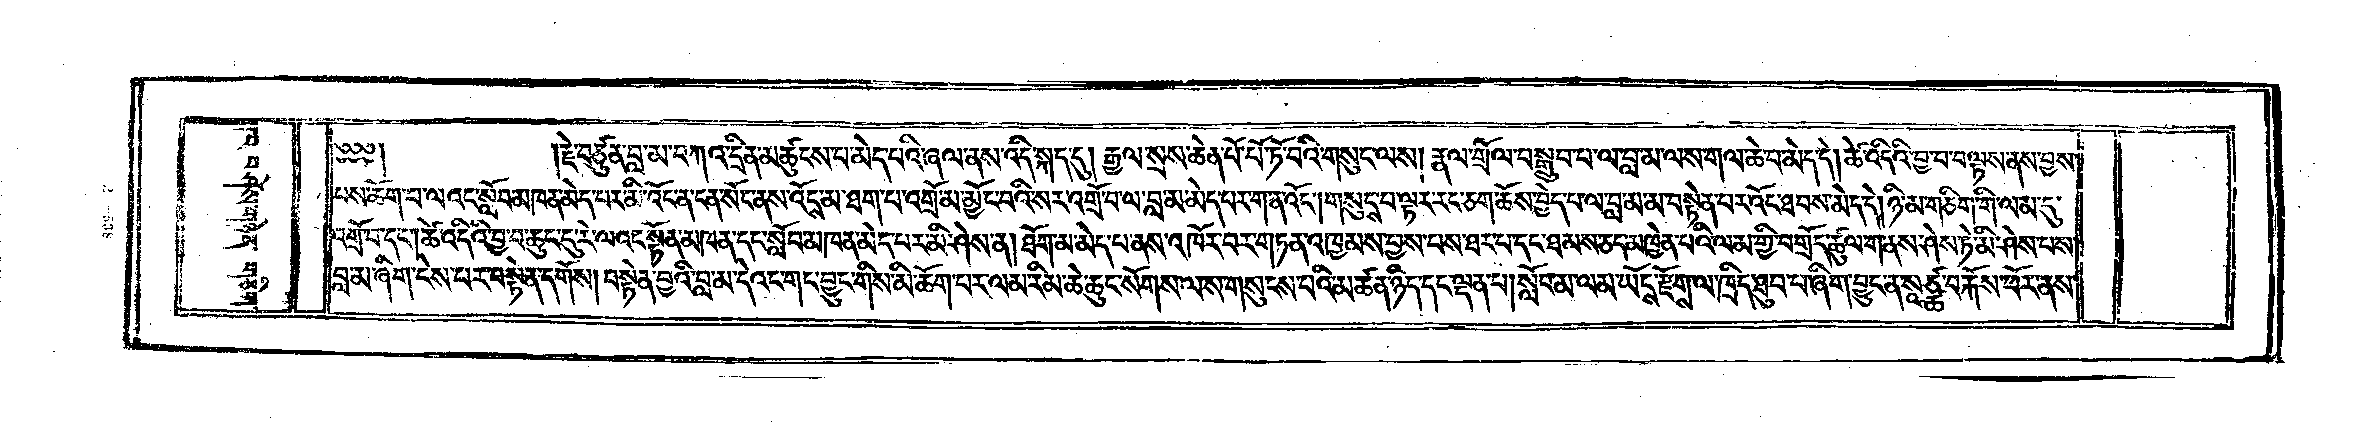༄༅༅། །རྗེ་བཙུན་བླ་མ་བཀའ་དྲིན་མཚུངས་པ་མེད་པའི་ཞལ་ནས་འདི་སྐད་དུ། རྒྱལ་སྲས་ཆེན་པོ་པོ་ཏོ་བའི་གསུང་ལས། རྣལ་གྲོལ་བསྒྲུབ་པ་ལ་བླ་མ་ལས་གལ་ཆེ་བ་མེད་དེ། ཚེ་འདིའི་བྱ་བ་བལྟས་ནས་བྱས་
པས་ཆོག་བ་ལའང་སློབ་མཁན་མེད་པར་མི་འོང་ན་ངན་སོང་ནས་འོངས་མ་ཐག་པ་འགྲོ་མ་མྱོང་བའི་སར་འགྲོ་བ་ལ་བླ་མ་མེད་པར་ག་ན་འོང་། གསུངས་པ་ལྟར་རང་ཅག་ཆོས་བྱེད་པ་ལ་བླ་མ་མ་བསྟེན་པར་འོང་ཐབས་མེད་དེ། ཉི་མ་གཅིག་གི་ལམ་དུ་
འོང་བ་དང་།ཚེ་འདིའི་བྱ་བ་ཆུང་དུ་རེ་ལའང་སྟོན་མཁན་དང་སློབ་མཁན་མེད་པར་མི་ཤེས་ན། ཐོག་མ་མེད་པ་ནས་འཁོར་བར་གཏན་འཁྱམས་བྱས་པས་ཐར་པ་དང་ཐམས་ཅད་མཁྱེན་པའི་ལམ་གྱི་བགྲོད་ཚུལ་གནས་ཤེས་ཏེ་མི་ཤེས་པས་
བླ་མ་ཞིག་ངེས་པར་བསྟེན་དགོས། བསྟེན་བྱའི་བླ་མ་དེའང་གང་བྱུང་གིས་མི་ཆོག་པར་ལམ་རིམ་ཆེ་ཆུང་སོགས་ལས་གསུངས་པའི་མཚན་ཉིད་དང་ལྡན་པ། སློབ་མ་ལམ་ཡོངས་རྫོགས་ལ་ཁྲིད་ཐུབ་པ་ཞིག་བྱུང་ན་སཱཙྪ་བརྐོས་ཕོར་ནས་